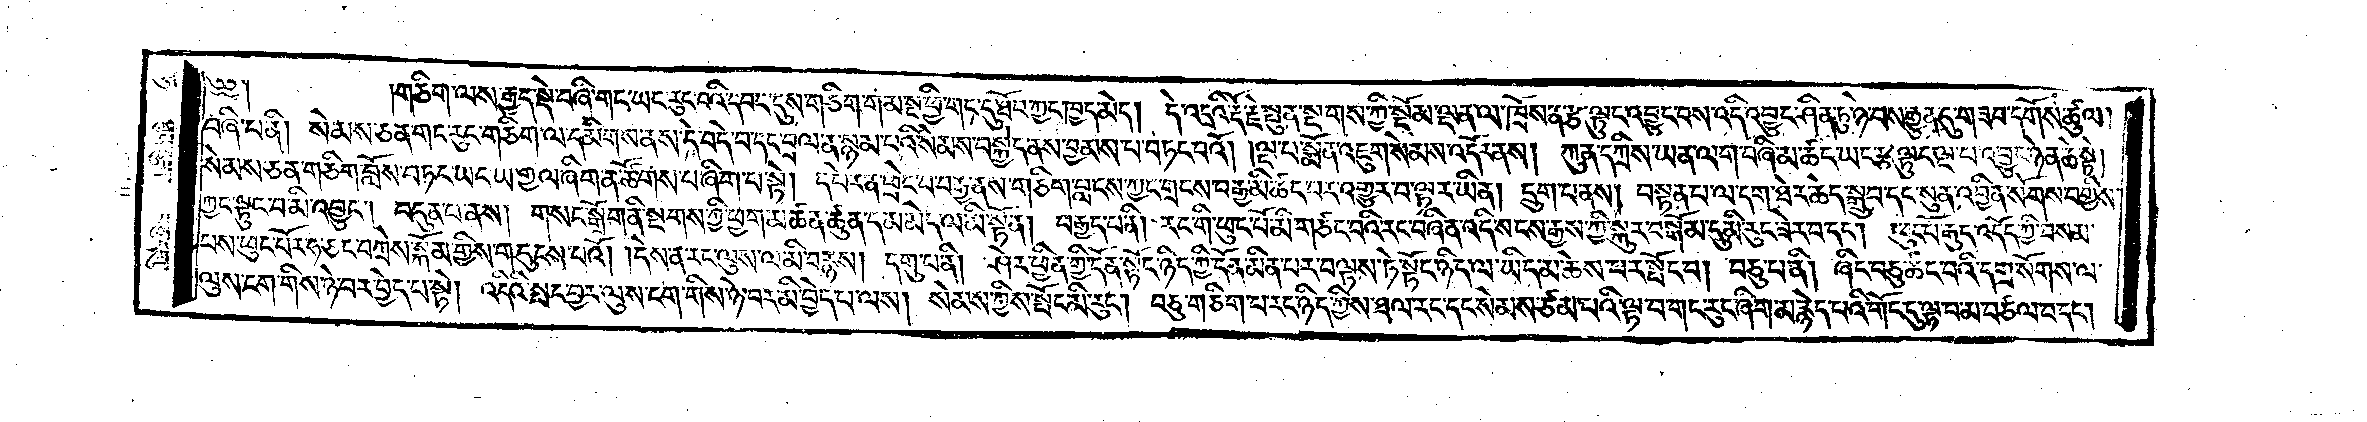༄༅། །གཅིག་ལས་རྒྱུད་སྡེ་བཞི་གང་ཡང་རུང་བའི་དབང་དུས་གཅིག་གམ་སྔ་ཕྱི་གང་དུ་ཐོབ་ཀྱང་ཁྱད་མེད། དེ་འདྲའི་རྡོ་རྗེ་སྤུན་སྔགས་ཀྱི་སྡོམ་ལྡན་ལ་ཁྲོས་ན་རྩ་ལྟུང་འབྱུང་བས་འདི་འབྱུང་ཤིན་ཏུ་ཉེ་བས་རྒྱུན་དུ་གཟབ་དགོས་ཚུལ་
བཞི་པ་ནི། །སེམས་ཅན་གང་རུང་གཅིག་ལ་དམིགས་ནས་དེ་བདེ་བ་དང་བྲལ་ན་སྙམ་པའི་སེམས་བསྐྱེད་ནས་བྱམས་པ་བཏང་བའོ། །ལྔ་པ་སྨོན་འཇུག་སེམས་འདོར་ནས། ཀུན་དཀྲིས་ཡན་ལག་བཞི་མ་ཚང་ཡང་རྩ་ལྟུང་ལྔ་པ་འབྱུང་ཉེན་ཆེ་སྟེ།
སེམས་ཅན་གཅིག་བློས་བཏང་ཡང་ཡ་གྱལ་ཞིག་ན་ཚོགས་པ་ཞིག་པ་སྟེ། དཔེར་ན་ཕྲེང་བ་བརྒྱ་ནས་གཅིག་བླངས་ཀྱང་གྲངས་བརྒྱ་མི་ཚང་བར་འགྱུར་བ་ལྟར་ཡིན། དྲུག་པ་ནས་བསྟན་པ་ལ་དག་ཐེར་ཆེད་སྒྲུབ་དང་སུན་འབྱིན་སོགས་བགྱིས་
ཀྱང་ལྟུང་བ་མི་འབྱུང་། བདུན་པ་ནས། གསང་སྒྲོག་ནི་སྔགས་ཀྱི་ཕྱག་མཚན་ཚུན་དམ་མེད་ལ་མི་སྟོན། བརྒྱད་པ་ནི། རང་གི་ཕུང་པོ་མི་གཙང་བའི་རང་བཞིན་འདི་སངས་རྒྱས་ཀྱི་སྐུར་བསྒོམ་དུ་མི་རུང་ཟེར་བ་དང་། ཕུང་པོ་རྒུད་འདོད་ཀྱི་བསམ་
པས་ཕུད་པོར་ཧ་ཅང་བཀྲེས་སྐོམ་གྱིས་གདུངས་པའོ། །དེས་ན་རང་ལུས་ལ་མི་བརྙས། དགུ་པ་ནི། ཤེར་ཕྱིན་གྱི་དོན་སྟོང་ཉིད་ཀྱི་དོན་མིན་པར་བལྟས་ཏེ་སྟོང་ཉིད་ལ་ཡིད་མ་ཆེས་པར་སྤོང་བ་། བཅུ་པ་ནི། ཞིང་བཅུ་ཚང་པའི་དགྲ་སོགས་ལ་
ལུས་ངག་གིས་ཉེ་བར་བྱེད་པ་སྟེ། འདིའི་སྤང་བྱར་ལུས་ངག་གིས་ཉེ་བར་མི་བྱེད་པ་ལས། སེམས་གྱིས་སྤོང་མི་རུང་། བཅུ་གཅིག་པ་རང་ཉིད་ཀྱིས་ཐལ་རང་དང་སེམས་ཙམ་པའི་ལྟ་པ་གང་རུང་ཞིག་མ་རྙེད་པའི་གོང་དུ་ལྟ་བ་མ་བཙལ་བ་དང་།